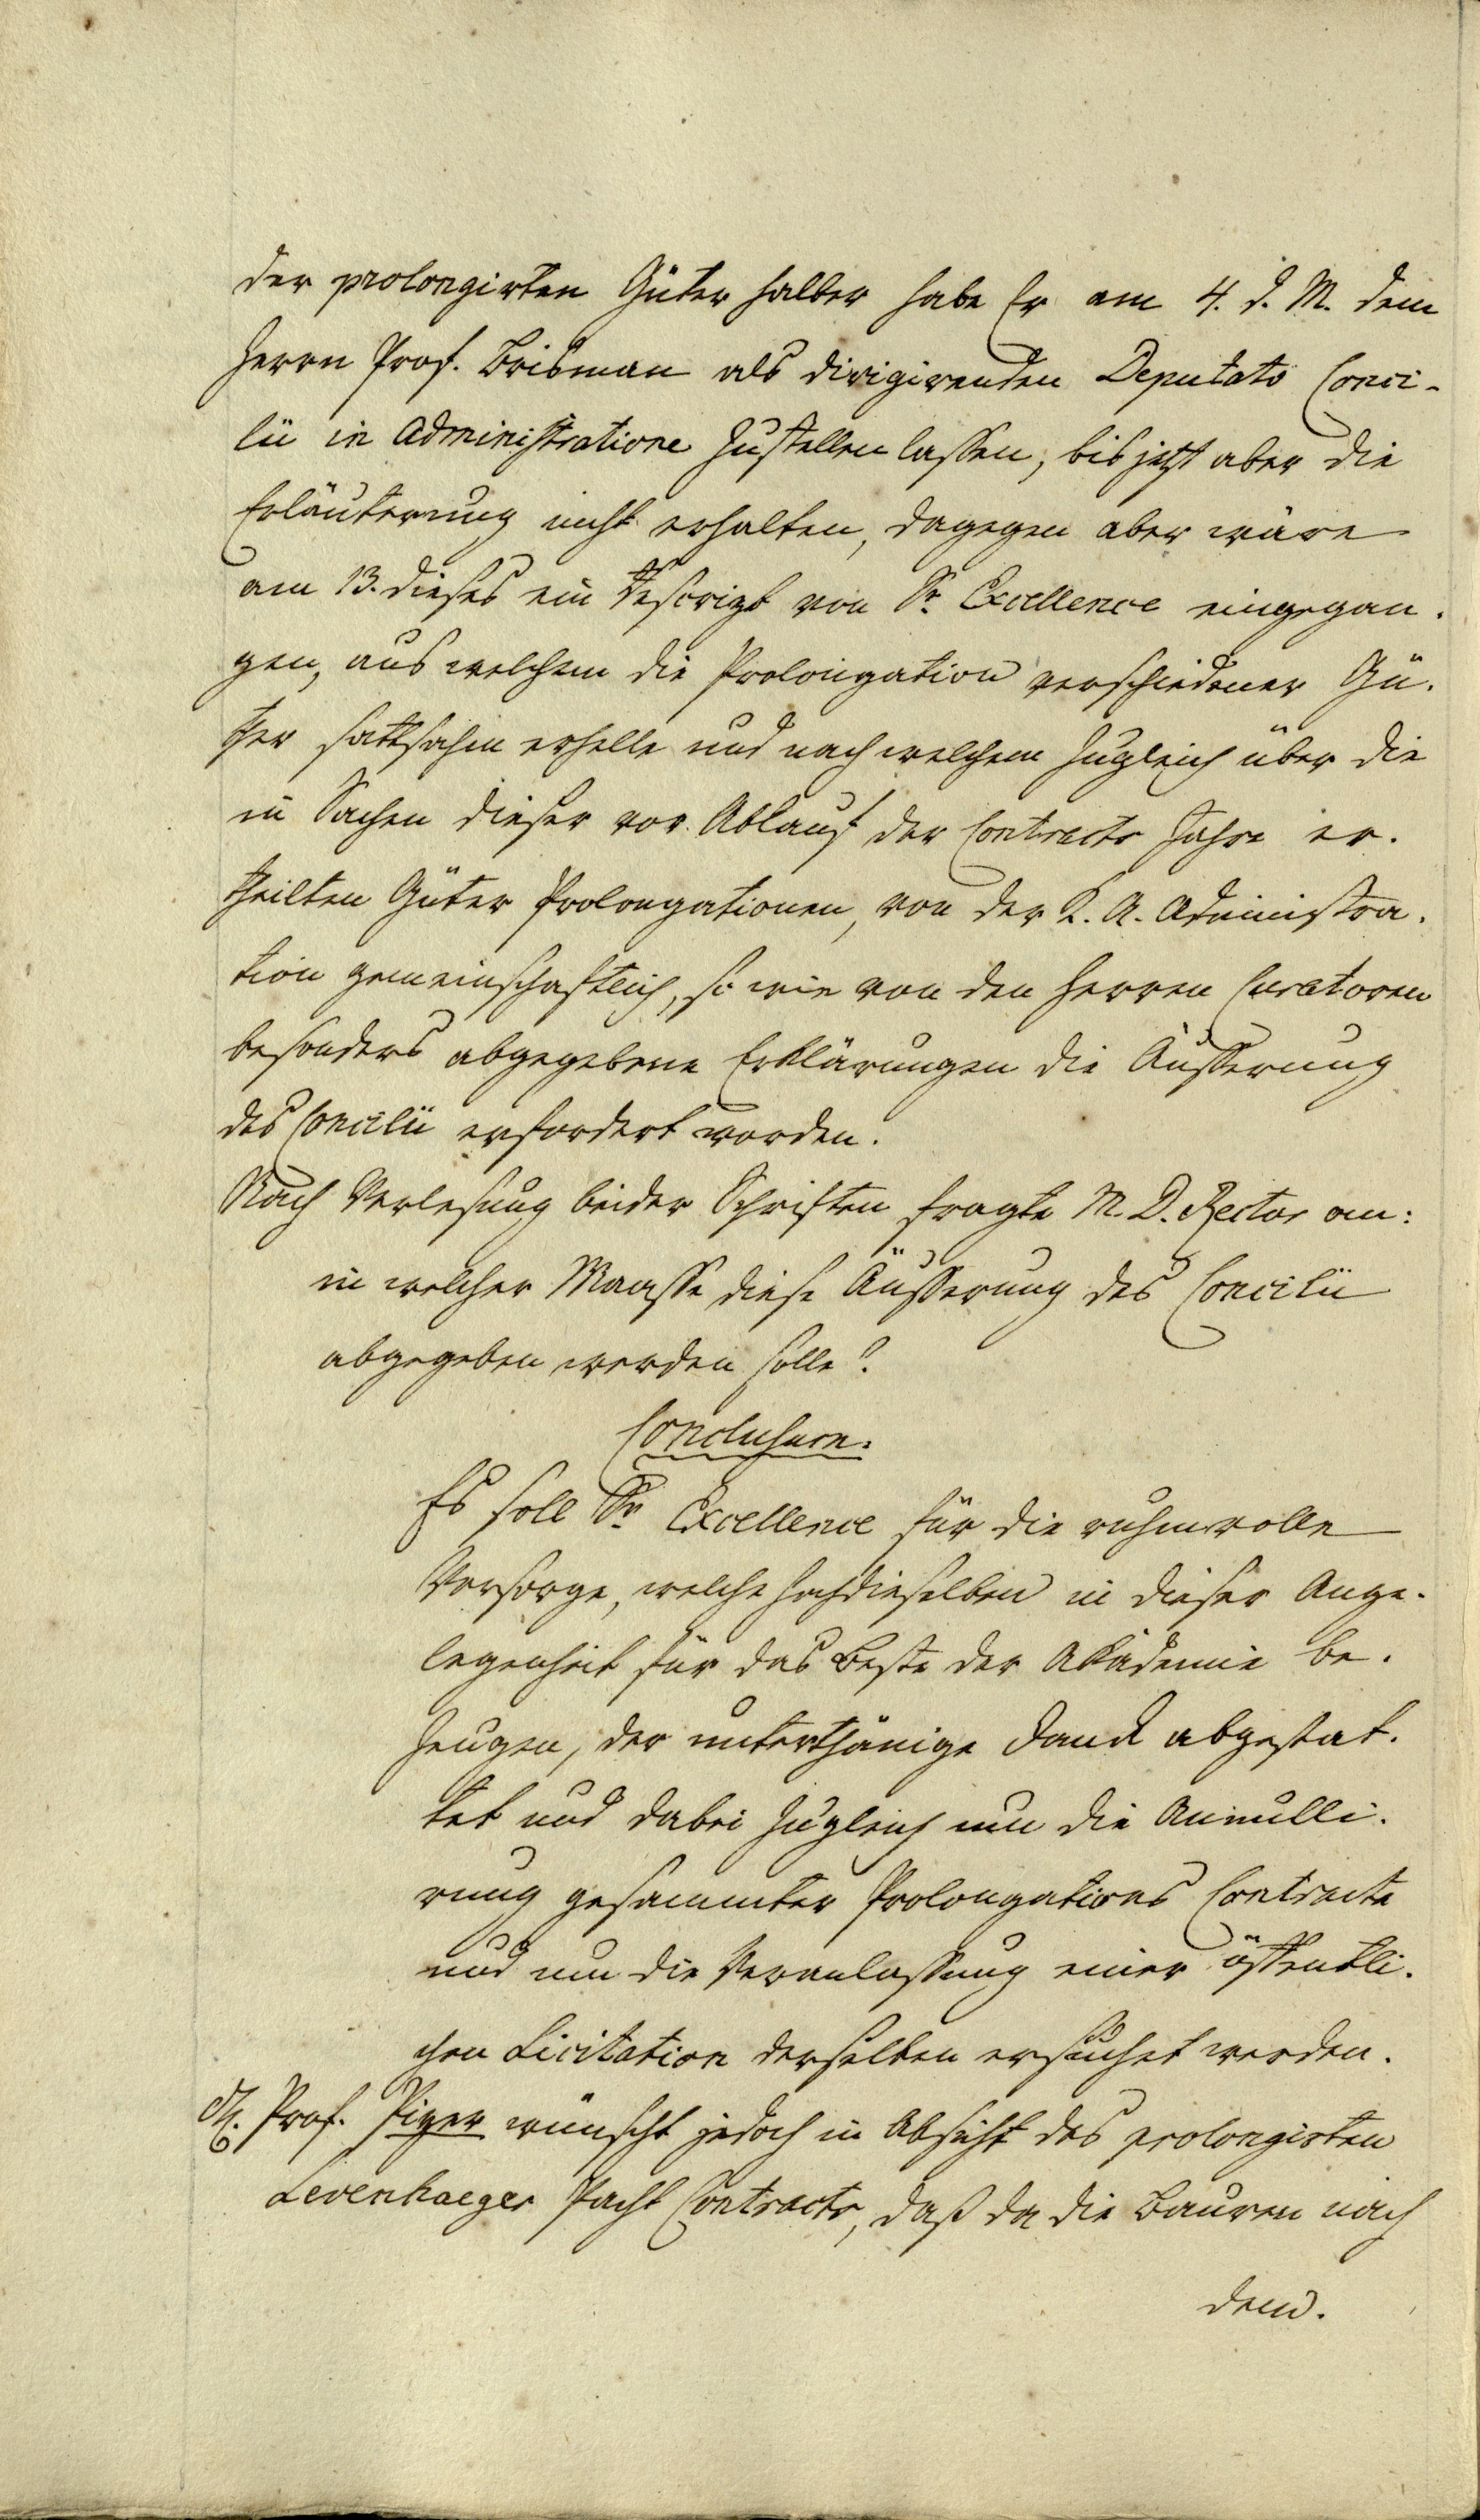der prolongirten Güter halber habe Er am 4. d. M. dem
Herrn Prof. Brisman als dirigirenden Deputato Conci¬
lii in Administratione zustellen lassen, bis jetzt aber die
Erläuterung nicht erhalten, dagegen aber wäre
am 13. dieses ein Rescript von Sr Excellence eingegan¬
gen, aus welchem die Prolongation verschiedener Gü
ther sattsahm erhelle und nach welchem zugleich über die
in Sachen dieser vor Ablauf der Contracts Jahre er¬
theilten Güter Prolongationen von der K. A. Administra¬
tion gemeinschaftlich, so wie von den Herren Curatoren
besonders abgegebene Erklärungen die Äusserung
des Concilii erfordert worden.
Nach Verlesung beider Schriften fragte M. D. Rector an:
in welcher Maasse diese Äusserung des Concilii
abgegeben werden solle ?
Conclusum.
Es soll Sr Excellence für die ruhmvolle
Vorsorge, welche hochdieselben in dieser Ange¬
legenheit für das Beste der Akademie be¬
zeugen, der unterthänige Danck abgestat¬
tet und dabei zugleich um die Annulli¬
rung gesammter Prolongations Contracte
und um die Veranlassung einer öffentli¬
chen Licitation derselben ersuchet werden.
dh. Prof. Piper wünscht jedoch in Absicht des prolongirten
Levenhaeger Pacht Contracts, daß da die Bauren nach
dem.